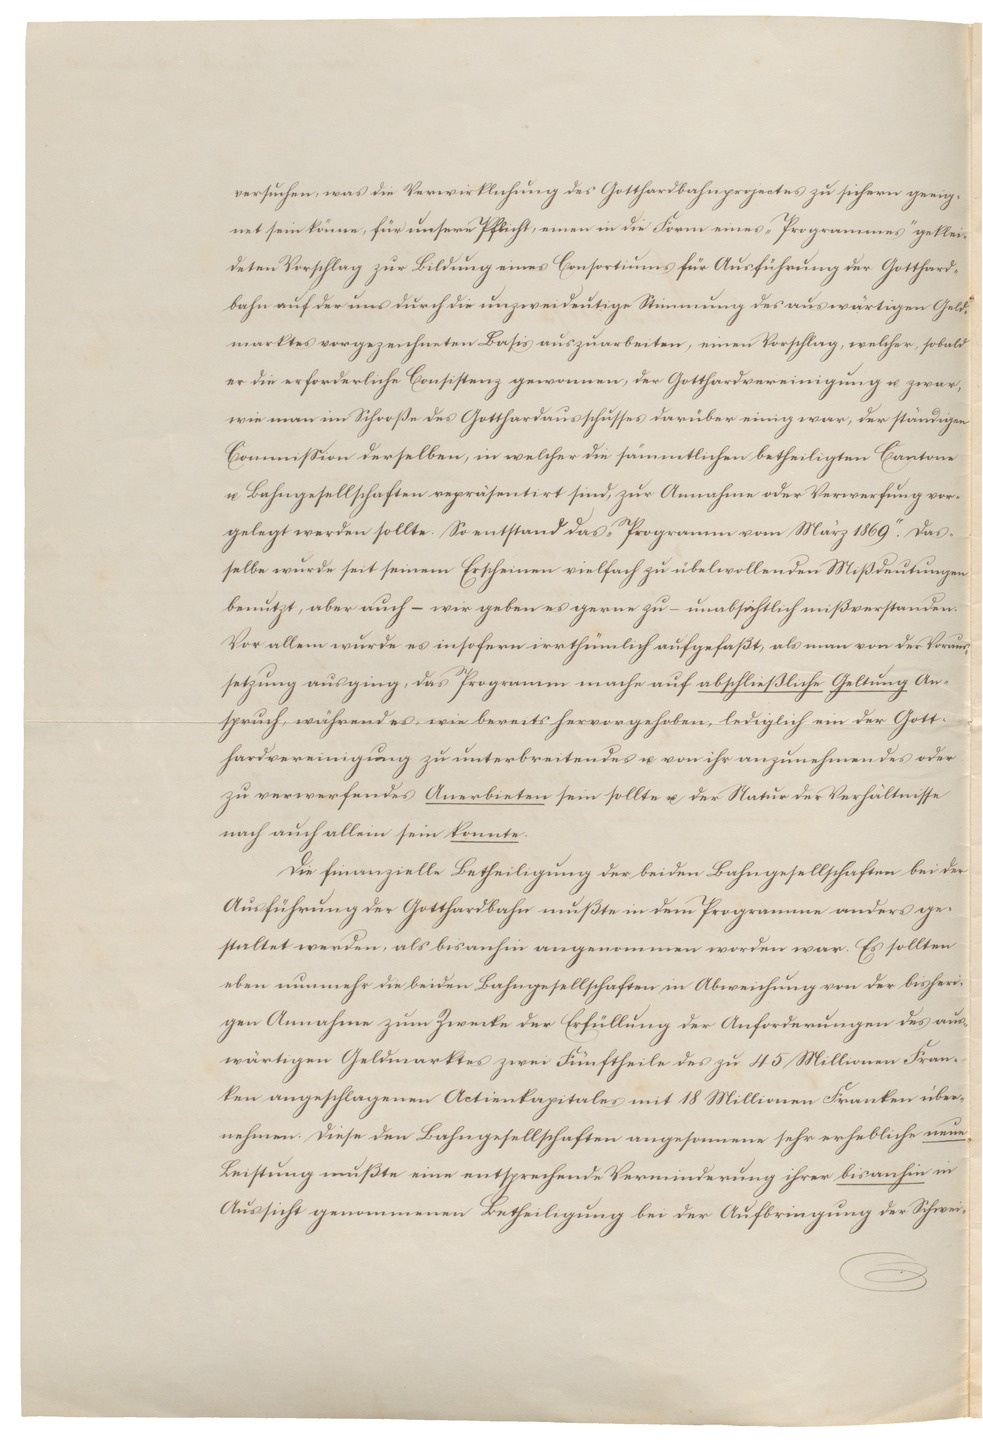versuchen, was die Verwirklichung des Gotthardbahnprojectes zu sichern geeig-
net sein könne, für unsere Pflicht, einen in die Form eines «Programmes» geklei-
deten Vorschlag zur Bildung eines Consortiums für Ausführung der Gotthard -
bahn auf der uns durch die unzweideutige Stimmung des auswärtigen Geld-
marktes vorgezeichneten Basis auszuarbeiten, einen Vorschlag, welcher, sobald
er die erforderliche Consistenz gewonnen, derGotthardvereinigung & zwar,
wie man im Schooße des Gotthardausschusses darüber einig war, der ständigen
Commission derselben, in welcher die sämmtlichen betheiligten Cantone
& Bahngesellschaften repräsentirt sind, zur Annahme oder Verwerfung vor-
gelegt werden sollte. So entstand das «Programm vom März 1869». Das-
selbe wurde seit seinem Erscheinen vielfach zu übelwollenden Mißdeutungen
benutzt, aber auch – wir geben es gerne zu – unabsichtlich mißverstanden.
Vor allem wurde es insofern irrthümlich aufgefaßt, als man von der Voraus-
setzung ausging, das Programm mache auf abschließlicheGeltung An-
spruch, während es, wie bereits hervorgehoben, lediglich ein der Gott-
hardvereinigung zu unterbreitendes & von ihr anzunehmendes oder
zu verwerfendes Anerbieten sein sollte & der Natur der Verhältnisse
nach auch allein sein konnte.
Die finanzielle Betheiligung der beiden Bahngesellschaften bei der
Ausführung der Gotthardbahn mußte in dem Programme anders ge-
staltet werden, als bis anhin angenommen worden war. Es sollten
eben nunmehr die beiden Bahngesellschaften in Abweichung von der bisheri-
gen Annahme zum Zwecke der Erfüllung der Anforderungen des aus-
wärtigen Geldmarktes zwei Fünftheile des zu 45 Millionen Fran-
ken angeschlagenen Actienkapitales mit 18 Millionen Franken über-
nehmen. Diese den Bahngesellschaften angesonnene sehr erhebliche neue
Leistung mußte eine entsprechende Verminderung ihrer bisanhin in
Aussicht genommenen Betheiligung bei der Aufbringung der Schwei-